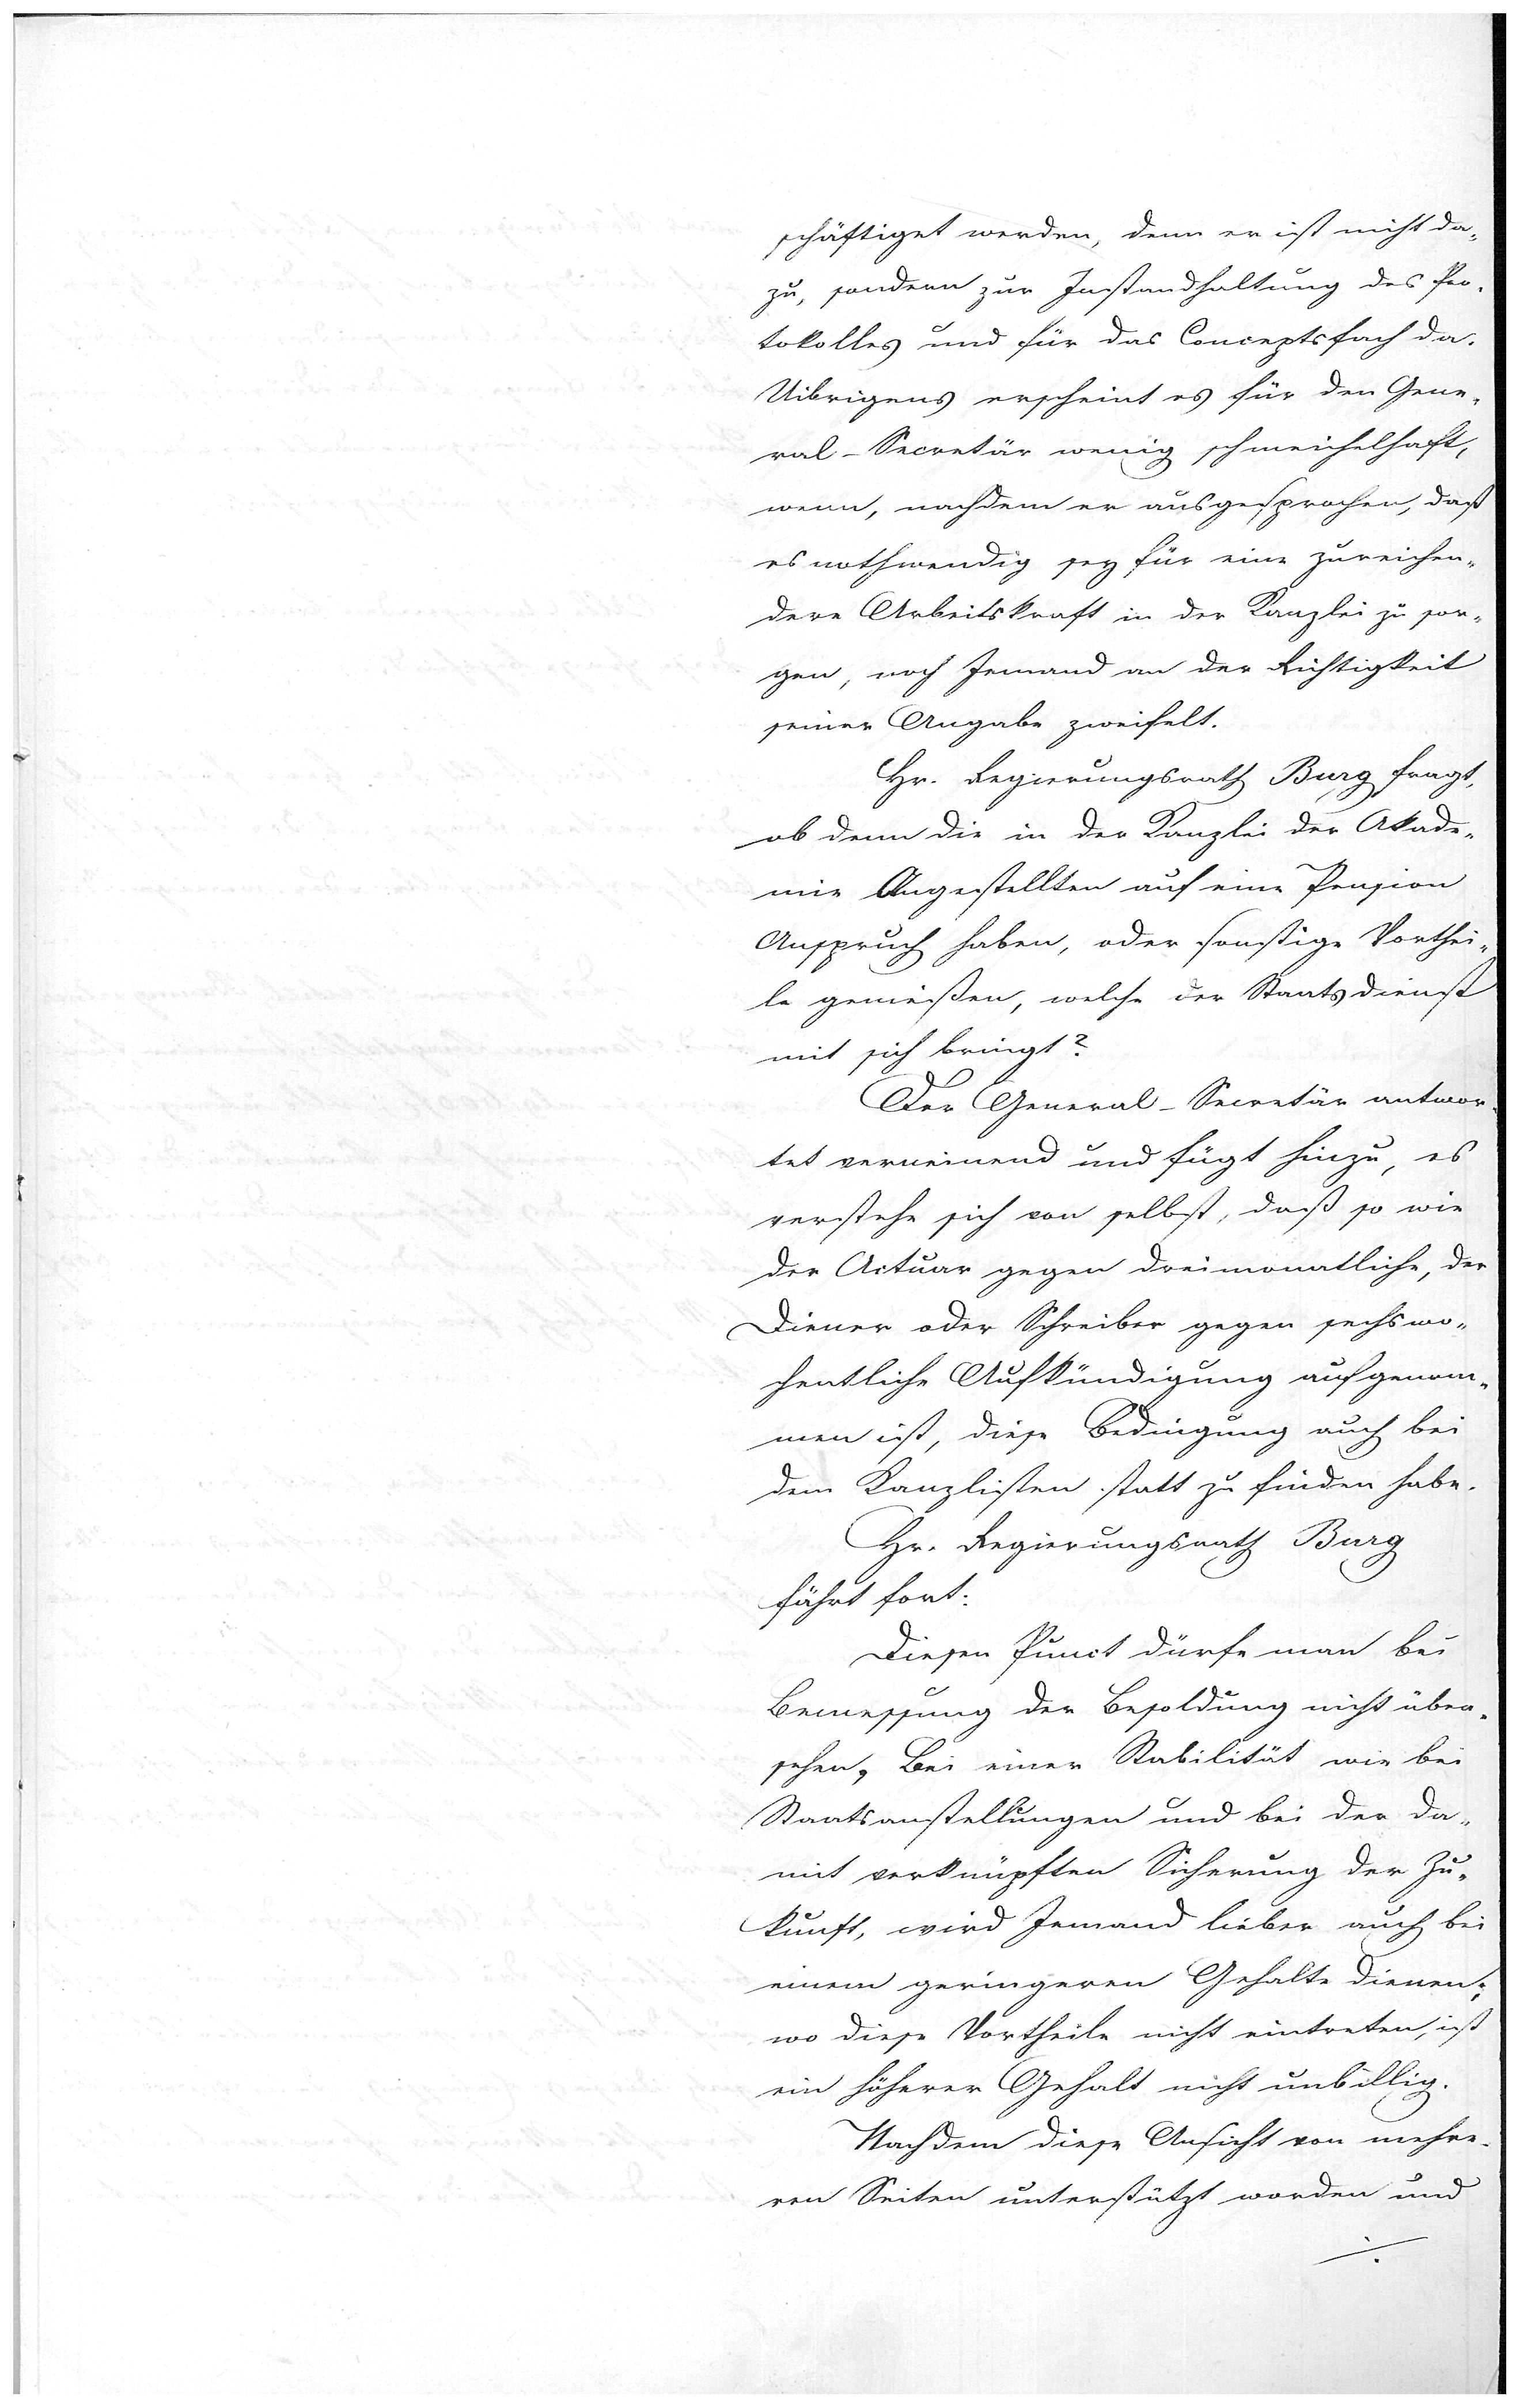schäftiget werden, denn er ist nicht da-
zu, sondern zur Instandhaltung des Pro-
tokolles und für des Conceptsfach da.
Uibrigens erscheint es für den Gene-
als-Secretär wenig schmeichelhaft,
wenn, nachdem er ausgesprochen, daß
es nothwendig sey für eine zureichen-
dere Arbeitskraft in der Kanzlei zu sor-
gen, noch jemand an der Richtigkeit
seiner Angabe zweifelt.
Hr. Regierungsrath Burg fragt,
ob denn die in der Kanzlei der Akade-
mie Angestellten auf eine Pension
Anspruch haben, oder sonstige Vorthei-
le genießen, welche der Staatsdienst
mit sich bringt?
Der General-Secretär antwor-
tet verneinend und fügt hinzu, es
verstehe sich von selbst, daß so wie
der Actuar gegen dreimonatliche, der
Diener oder Schreiben gegen sechswo-
chentliche Aufkündigung aufgenom-
men ist, diese Bedingung auch bei
dem Kanzlisten statt zu finden habe.
Hr. Regierungsrath Burg
fährt fort:
Diesen Punct dürfe man bei
Bemessung der Besoldung nicht über-
sehen. Bei einer Stabilität wie bei
Staatsanstellungen und bei der da-
mit verknüpften Sicherung der Zu-
kunft, wird Jemand lieber auch bei
einem geringeren Gehalte dienen;
wo diese Vortheile nicht eintreten, ist
ein höherer Gehalt nicht unbillig.
Nachdem diese Ansicht von mehre-
ren Seiten unterstützt worden und